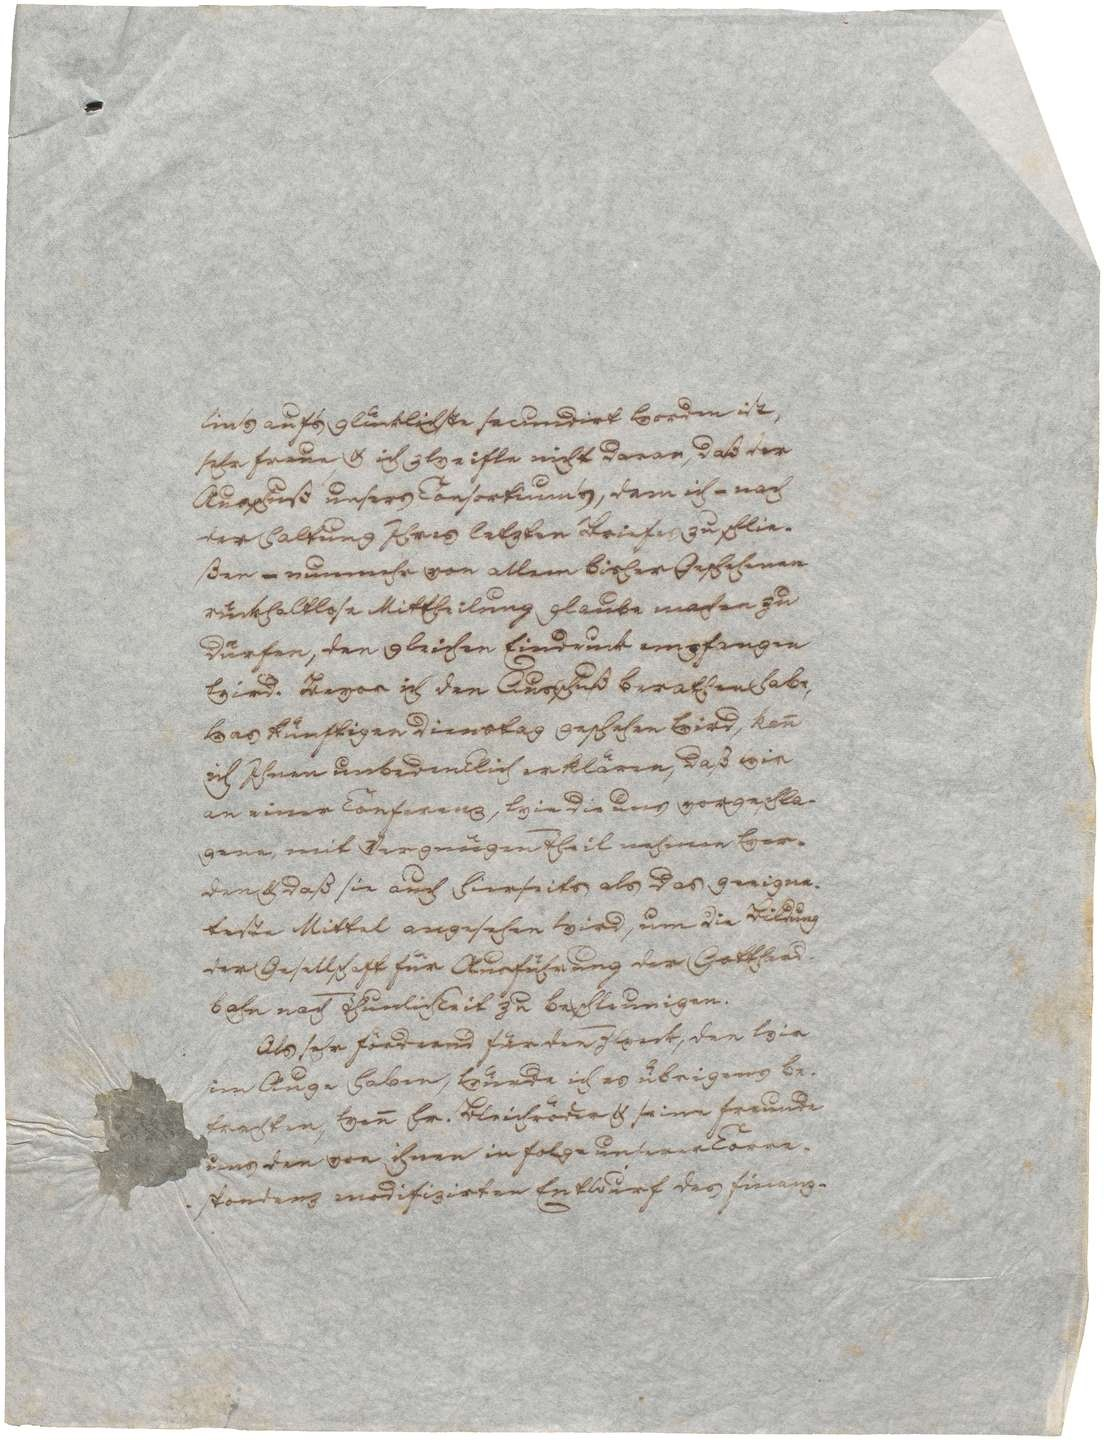lin's auf's glücklichste secundirt worden ist,
sehr freue, & ich zweifle nicht daran, daß der
Ausschuß unsers Consortium's, dem ich – nach
der Haltung Ihres letzten Briefes zu schlie-
ßen – nunmehr von allem bisher Geschehenen
rückhaltlose Mittheilung glaube machen zu
dürfen, den gleichen Eindruck empfangen
wird. Bevor ich den Ausschuß berathen habe,
was künftigen Dienstag geschehen wird, kann
ich Ihnen unbedenklich erklären, daß wir
an einer Conferenz, wie die uns vorgeschla-
gene, mit Vergnügen Theil nehmen wer-
den & daß sie auch hierseits als das geeigne-
teste Mittel angesehen wird, um die Bildung
der Gesellschaft für Ausführung der Gotthard -
bahn nach Thunlichkeit zu beschleunigen.
Als sehr fördernd für den Zweck, den wir
im Auge haben, würde ich es übrigens be-
trachten, wenn Hr. Bleichröder & seine Freunde
uns den von ihnen in Folge unserer Corre-
spondenz modifizirten Entwurf des Finanz-